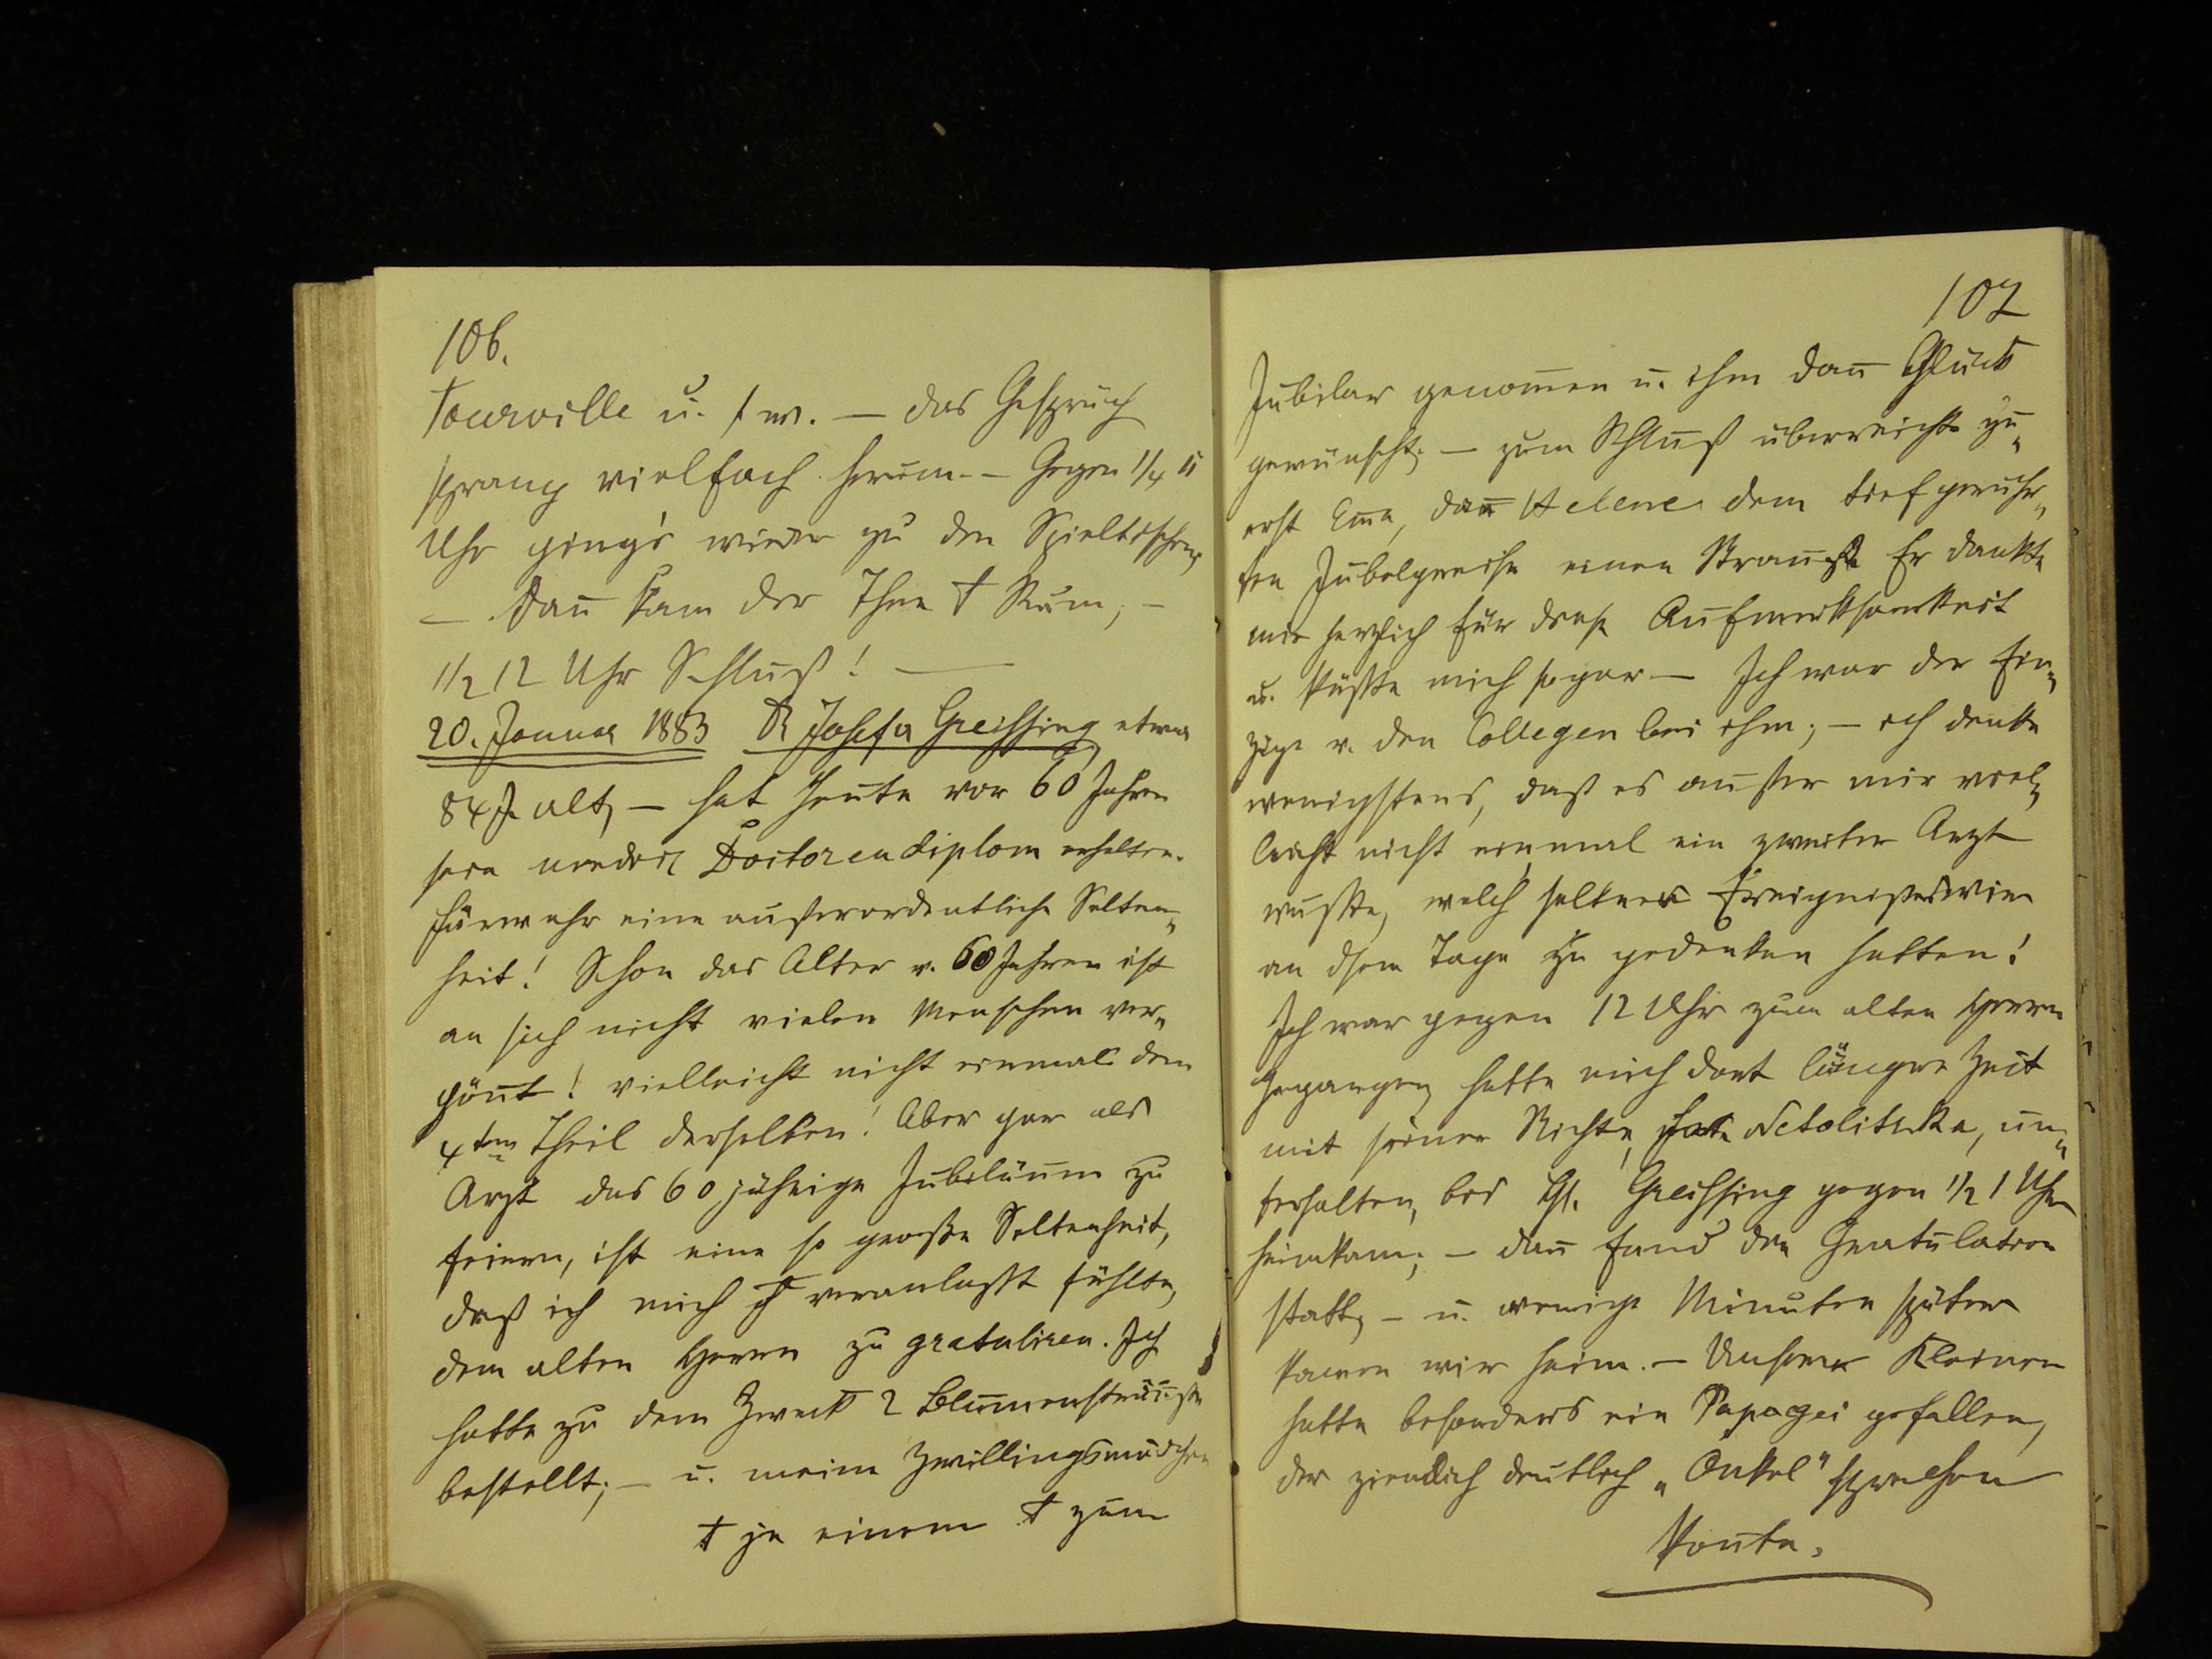106
Tourville u.s.w..- Das Gespräch
sprang vielfach herum,- Gegen ¼ 11
Uhr ging‘s wieder zu den Spieltischen
- dann kam der Thee mit Rum;-
½ 12 Uhr Schluss!-
20. Januar 1883. Dr. Josefa Geisting etwa
84 Jahre alt - hat heute vor 60 Jahren
sein ? ?...? Doctorendiplom erhalten.
Fürwahr ein außerordentliche Selten¬
heit! Schon das Alter von 60 Jahren ist
an sich nicht vielen Menschen ver¬
gönnt! Vielleicht nicht einmal den
4-ten Theil derselben! Aber gar als
Arzt das 60-jährige Jubiläum zu
feiern ist eine so Große Seltenheit
daß ich mich auch veranlaßt fühlte
dem alten Herrn zu gratulieren. Ich
hatte zu dem Zweck2 Blumensträuße
bestellt;- und meine Zwillingmädchenmit
mit je einem mit zum
107
Jubilar genommen und ihm dann Glück
gewünscht.- zum Schluss überreichte zu¬
erst Ema dann Helene dem tiefgerühr¬
ten Jubelgreise einen Strauß. Er dankte
mir herzlich für diese Aufmerksamkeit
und küste mich sogar.- Ich war der ein¬
zige von den Collegen bei ihm.- Ich denke
wenigstens , daß es außer mir viel¬
leicht nicht einmal ein zweiter Arzt
wußte , welch seltenes Erreignis wir
an diesem Tage zu gedenken hatten !-
Ich war gegen 12 Uhr zum alten Herrn
gegangen hatte mich dort längere Zeit
mit seiner Nichte, Fr. Netolitcka, un¬
terhalten, bis H. Geisting gegen ½ 1 Uhr
heimkam;- dann fand die Gratulation
statt,- und einige Minuten später
kamen wir heim.-Unseren Kleinen
hatte besonders ein Papagei gefallen
der ziemlich deutlich „ Onkel“ sprechen
konnte